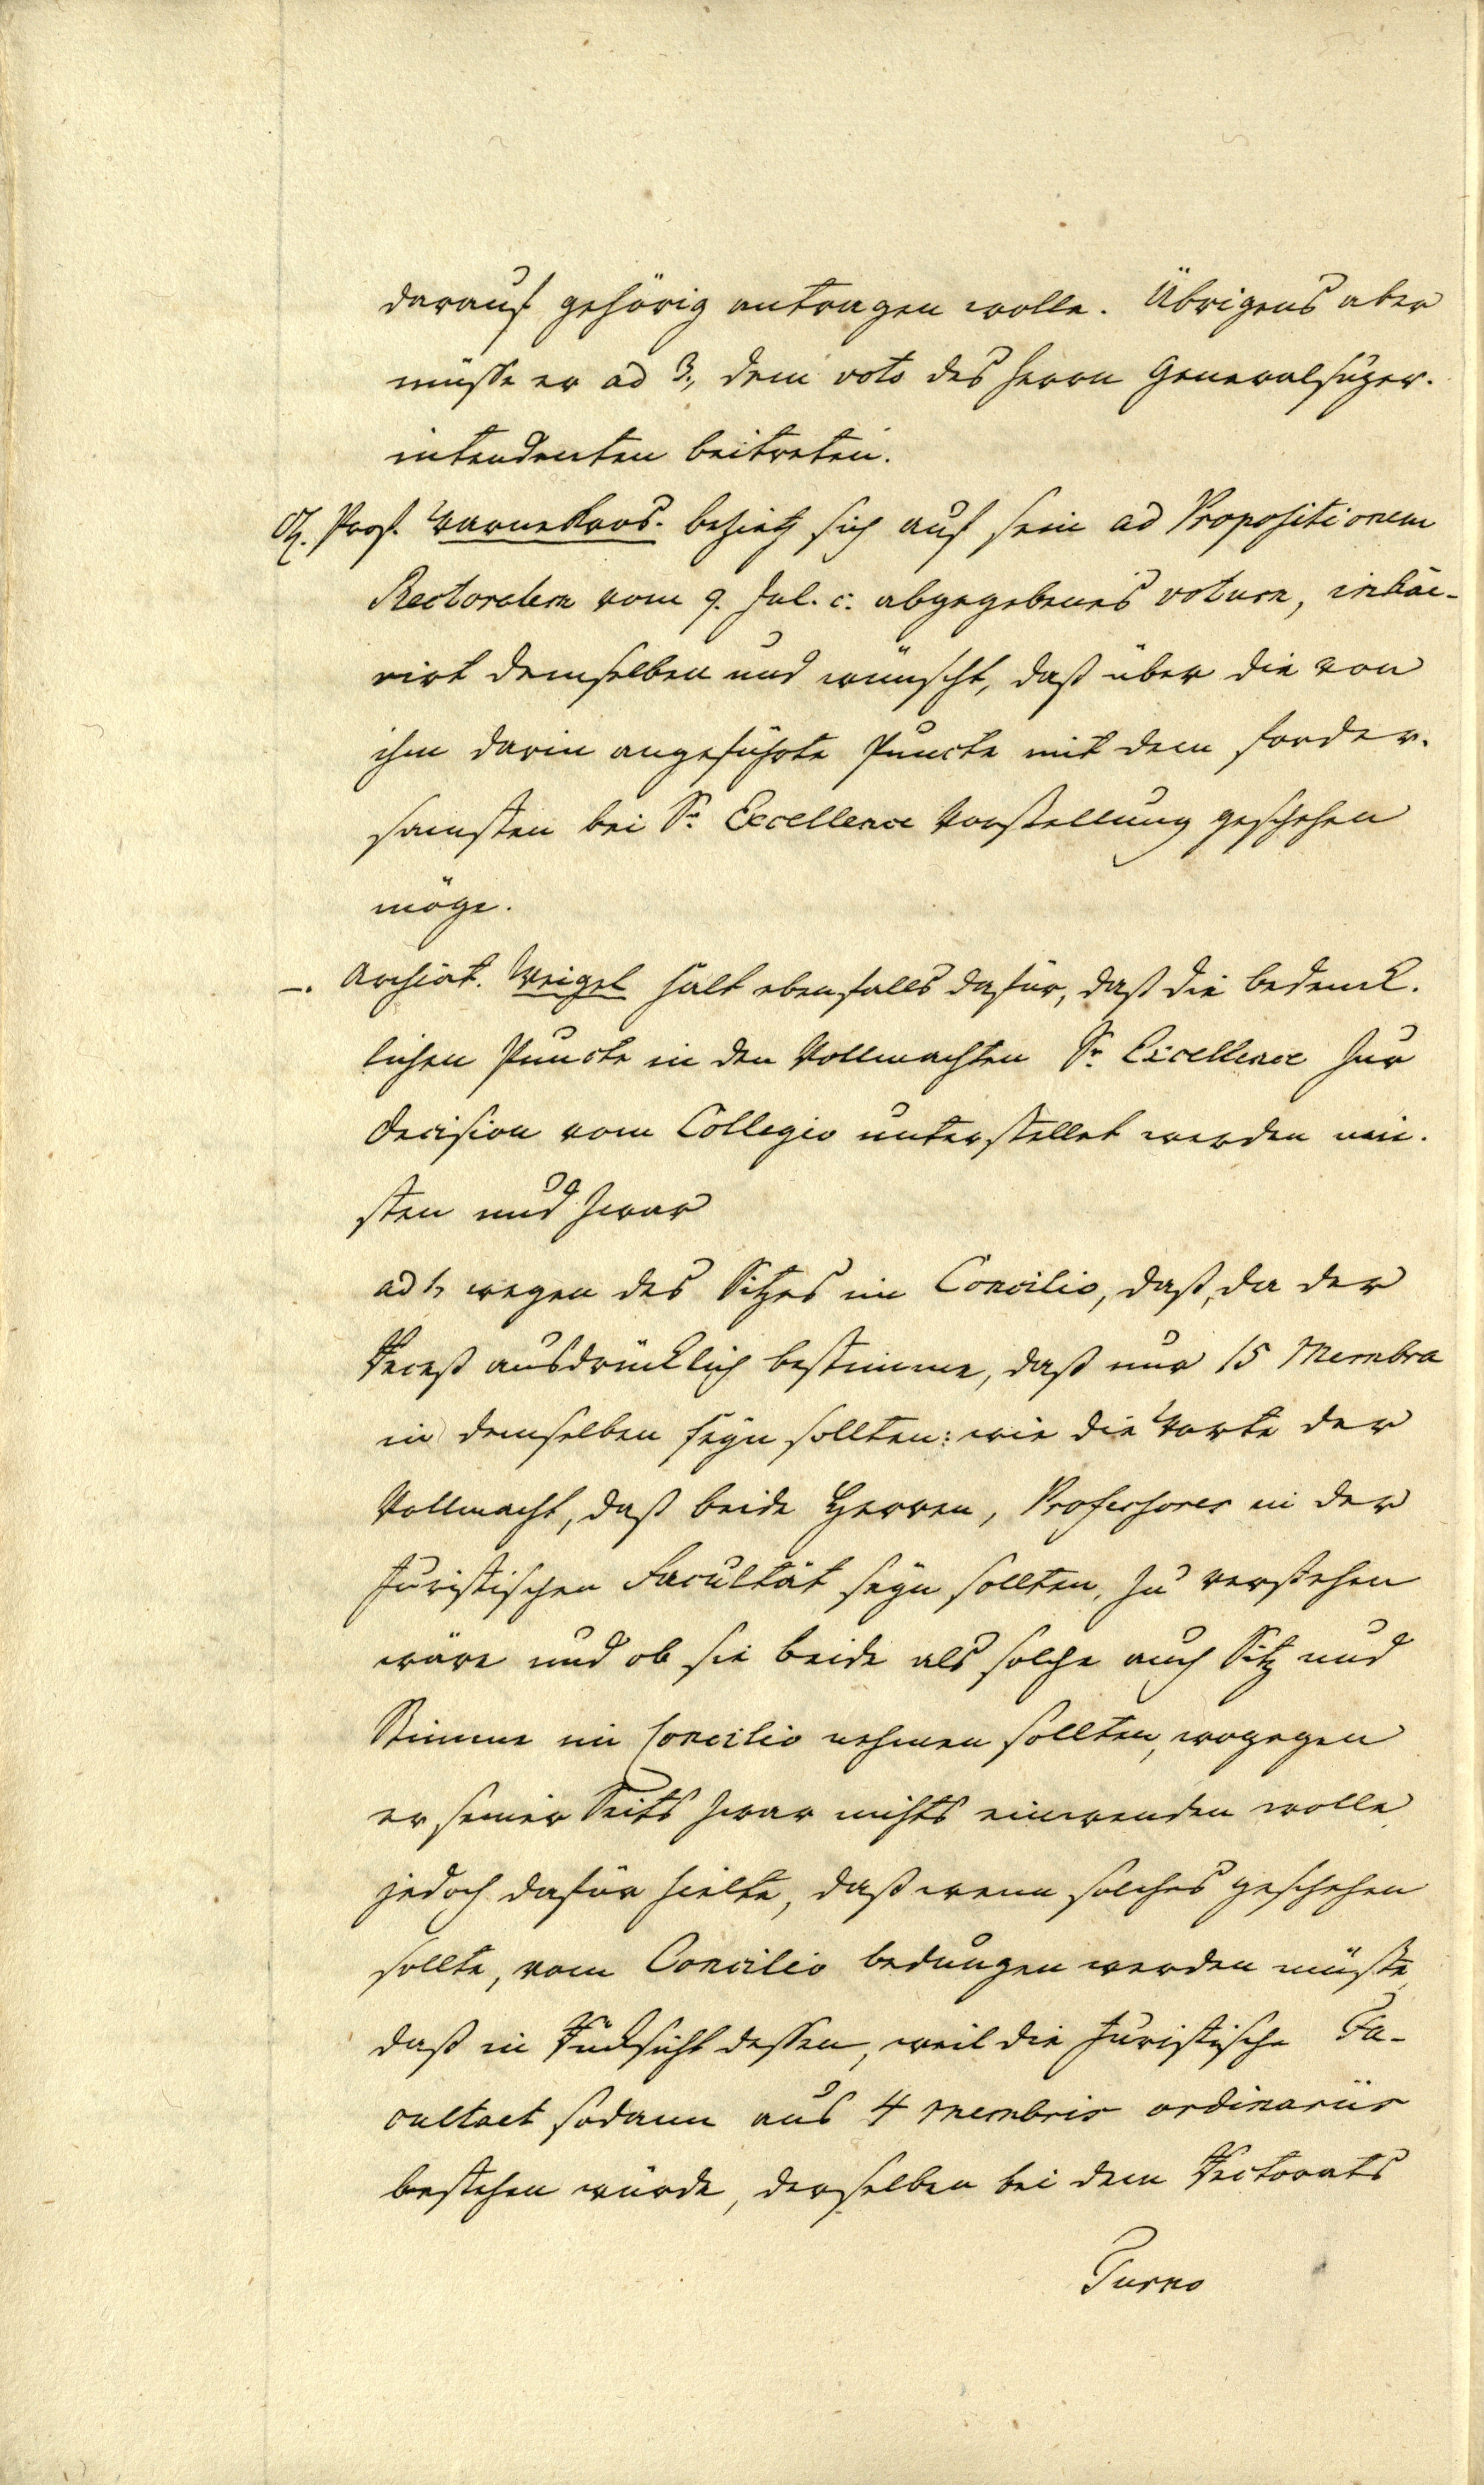darauf gehörig antragen wolle. Übrigens aber
müsse er ad 3., dem voto des herrn Generalsuper¬
intendenten beitreten.
dh. Prof. Warnekros. bezieht sich auf sein ad Propositionem
Rectoratem vom 9. Jul. c. abgegebenes votum, inhae¬
rirt demselben und wünscht, daß über die von
ihm darin angeführte Puncte mit dem forder¬
samsten bei Sr. Excellence Vorstellung geschehen
möge.
Archiat. Weigel hält ebenfalls dafür, daß die bedenck¬
lichen Puncte in den Vollmachten Sr. Excellence zur
decision vom Collegio unterstellet werden mü¬
sten und zwar
ad 1. wegen des Sitzes im Concilio, daß, da der
Receß ausdrücklich bestimme, daß nur 15 Membra
in demselben seÿn sollten, wie die Worte der
Vollmacht, daß beide Herren, Professores in der
Juristischen Facultät seÿn solltn, zu verstehen
wäre und ob sie beide als solche auch Sitz und
Stimme im Concilio nehmen sollten, wogegen
er seiner Seits zwar nichts einwenden wolle,
jedoch dafür hielte, daß wenn solches geschehen
sollte, vom Concilio bedungen werden müste,
daß in Rücksicht dessen, weil die Juristische Fa¬
cultaet sodann aus 4 membris ordinariis
bestehen würde, derselben bei dem Rectorats
Turno